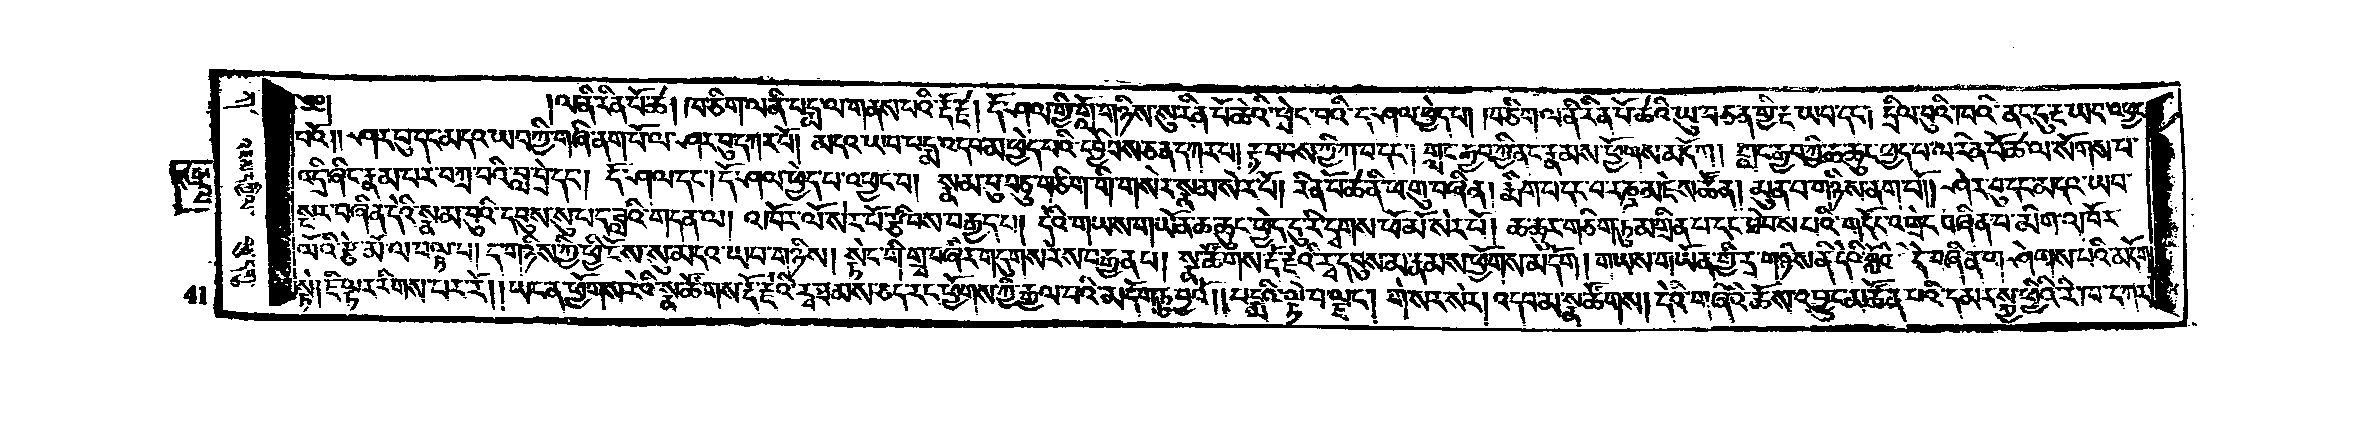༄༅། །ལ་ནི་རིན་པོ་ཆེ། ཁ་ཅིག་ལ་ནི་པདམ་ལ་གནས་པའི་རྡོ་རྗེ། དོ་ཤལ་གྱི་གློ་གཉིས་སུ་རིན་པོ་ཆེའི་ཕྲེང་བའི་ད་ཤལ་ཕྱེད་པ། ཁ་ཅིག་ལ་ནི་རིན་པོ་ཆེའི་ཡུ་བཅན་གྱི་རྔ་ཡབ་དང་། དྲིལ་བུའི་ཁའི་ནང་དུ་རྔ་ཡབ་འཕྱང་
པའོ། །ཤར་པུ་དང་མདའ་ཡབ་ཀྱི་གཞི་ནག་པོ་ལ་ཤར་བུ་དཀར་པོ། མདའ་ཡབ་པདམ་འདབ་མ་ཕྱེད་པའི་དབྱིབས་ཅན་དཀར་པ། རྟ་བབས་ཀྱི་ཀ་བ་དང་། གླང་རྒྱབ་ཀྱི་ནང་རྣམས་ཕྱོགས་མདོག །གླང་རྒྱབ་ཀྱི་ཆ་ཆུང་ཕྱད་པ་ལ་རིན་པོ་ཆེ་ལ་སོགས་པ་
འདྲི་ཞིང་རྣམ་པར་བཀྲ་བའི་བླ་བྲེ་དང་། དོ་ཤལ་དང་། དོ་ཤལ་ཕྱེད་པ་འཕྱང་བ། སྣམ་བུ་བཅུ་གཅིག་གི་གསེར་སྣམ་སེར་པོ། རིན་པོ་ཆེ་ནི་ཕ་གུ་བཞིན། རྨིག་པ་དང་བ་རཎྜ་མཛེས་ཚོན། མུན་པ་གཉིས་ནག་པོ། །ཤེར་བུ་དང་མདའ་ཡབ་
སྔར་བཞིན་དེའི་སྣམ་བུའི་དབུས་སུ་པད་ཟླའི་གདན་ལ། འཁོར་ལོ་སེར་པོ་རྩིབས་བརྒྱད་པ། དེའི་གཡས་གཡོན་ཆ་ཆུང་ཕྱེད་དུ་རི་དྭགས་ཕོ་མོ་སེར་པོ། ཆ་ཆུར་གཅིག་ཏུ་མགྲིན་པ་དང་ཐེབས་པའི་གདོང་འགྲེང་བཞིན་པ་མིག་འཁོར་
ལོའི་རྩེ་མོ་ལ་བལྟ་བ། དེ?་གཉིས་ཀྱི་ཕྱི་ངོས་སུ་མདའ་ཡབ་གཉིས། སྟེང་གི་གྲྭ་བཞིར་གདུགས་རེས་བརྒྱན་པ། སྣ་ཚོགས་རྡོ་རྗེའི་རྭ་དབུས་མ་རྣམས་ཕྱོགས་མདོག །གཡས་གཡོན་གྱི་རྭ་གཉིས་ནི་དེའི་གློའི་དེ་བཞིན་གཤེགས་པའི་མདོག་
སྟེ། ཇི་ལྟར་རིགས་པར་རོ། །ཡང་ན་ཕྱོགས་རེའི་སྣ་ཚོགས་རྡོ་རྗེའི་རྭ་ཐམས་ཅད་རང་ཕྱོགས་ཀྱི་རྒྱལ་བའི་མདོག་ཏུ་བྱའོ། །པདམའི་ལྟེ་བ་ལྗང་། གེ་སར་སེར། འདབ་མ་སྣ་ཚོགས། དེའི་གཞིའི་ཆོས་འབྱུང་མཚོན་པའི་དམར་སྐྱ་ཕྱིའི་རི་ཁ་དཀར་